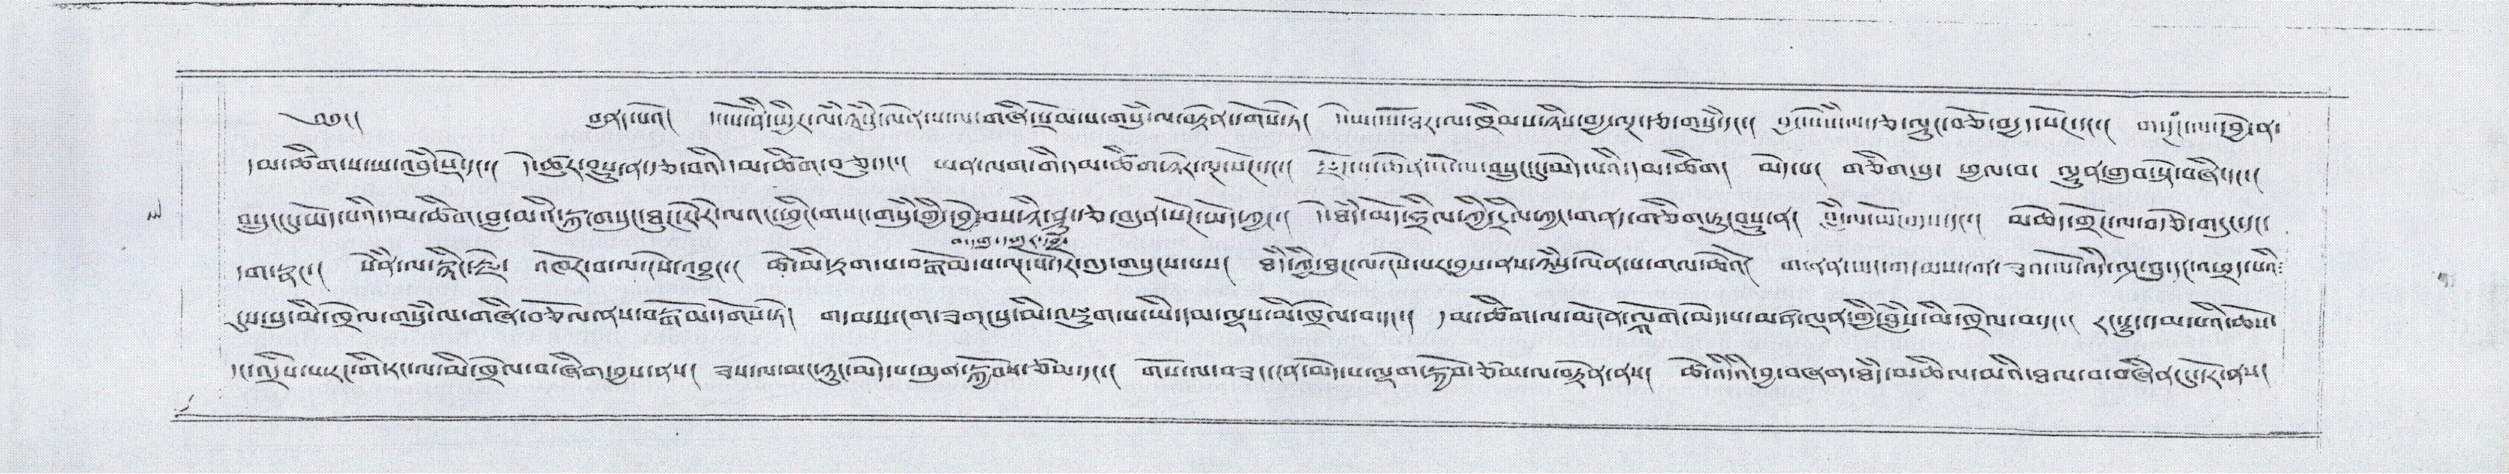བཤད་པའོ། དང་པོ་ནི། སྤྱིར་ལམ་ཉམས་སུ་ལེན་པ་ལ་སྡོམ་པ་གསུམ་ལ་བརྟེན་དགོས་ཏེ། དེ་ལ་སོ་ཐར་ལ་ཁྲིམས་ཉིས་བརྒྱ་ལྔ་བཅུ་རྩ་གསུམ་དང་། བྱང་སེམས་ལ་རྩ་ལྟུང་བཅོ་བརྒྱད་སོགས་དང་། གསང་སྔགས་ལ་དབྱེ་ན་
དམ་ཚིག་ས་མ་ཡ་འབུམ་སྡེ་དང་། དེ་ཚུར་བསྡུ་ན་རྩ་བའི་དམ་ཚིག་བཅུ་དང་། ཡན་ལག་གི་དམ་ཚིག་ཉེར་ལྔ་སོགས་དང་། རྫོགས་པ་ཆེན་པོ་བསྲུང་དུ་མེད་པའི་དམ་ཚིག་མེད་པ་གཅིག་པུ་ཕྱལ་བ་ལྷུན་གྲུབ་སྟེ་བཞི་དང་། 
བསྲུང་དུ་ཡོད་པའི་དམ་ཚིག་བླ་མའི་སྐུ་གསུང་ཐུགས་རེ་རེ་ལའང་ཕྱི་ནང་གསང་གསུམ་གྱི་དབྱེ་བ་དགུ་དགུར་ཕྱེ་བས་ཉི་ཤུ་རྩ་བདུན་སོགས་ཡོད་ཀྱང་། དེ་ཐམས་ཅད་མདོ་ཧྲིལ་གྱིས་དྲིལ་ཀྱང་གནད་གཅིག་ཏུ་བསྡུ་ན། བླ་མ་ལ་མོས་གུས་དང་། མཆེད་གྲོགས་ལ་བརྩེ་གདུང་དང་། 
དག་སྣང་། སེམས་ཅན་ལ་སྙིང་རྗེ། འཁོར་ལ་ངེས་འབྱུང་། ཚེ་མི་རྟག་པ་བསྒོམ་པ་ལྔ་པོ་དེར་འདུ་གསུངས་པས། ཐམས་ཅད་ཀྱི་ཐུགས་ལ་ངེས་པར་བྱས་ནས་ཉམས་སུ་ལེན་པ་གལ་ཆེའོ།། གཞན་ཡང་གདམས་ངག་ཟབ་མོ་འདི་ལྟ་བུ་དང་འཕྲད་པའི་
དུས་སུ་མི་ཁྲོལ་གསུམ་ལ་གཞི་བཅོལ་ནས་བསྒོམ་དགོས་ཏེ། གདམས་ངག་ཟགས་སུ་མི་འཇུག་པ་ཡི་དམ་ལྷས་མི་ཁྲེལ་བ་དང་། དམ་ཚིག་ལ་ངོ་ལྐོག་མེད་པ་མཚན་ལྡན་གྱི་བླ་མས་མི་ཁྲེལ་བ་དང་། རང་རྒྱུད་དམ་པའི་ཆོས་
དང་འདྲིས་ལ་རང་གིས་རང་ལ་མི་ཁྲེལ་བ་ཞིག་བྱས་ནས། ཟས་ལ་མང་ཉུང་མེད་པ་མུག་སྐྱོབ་ཙམ་དང་། གོས་ལ་བཟང་ངན་མེད་པ་ལྷག་སྐྱོབ་ཙམ་ལ་བརྟེན་ནས། ཚེ་འདིའི་བྱ་གཞག་ཐམས་ཅད་མཆིལ་མའི་ཐལ་བ་བཞིན་དུ་དོར་ནས་